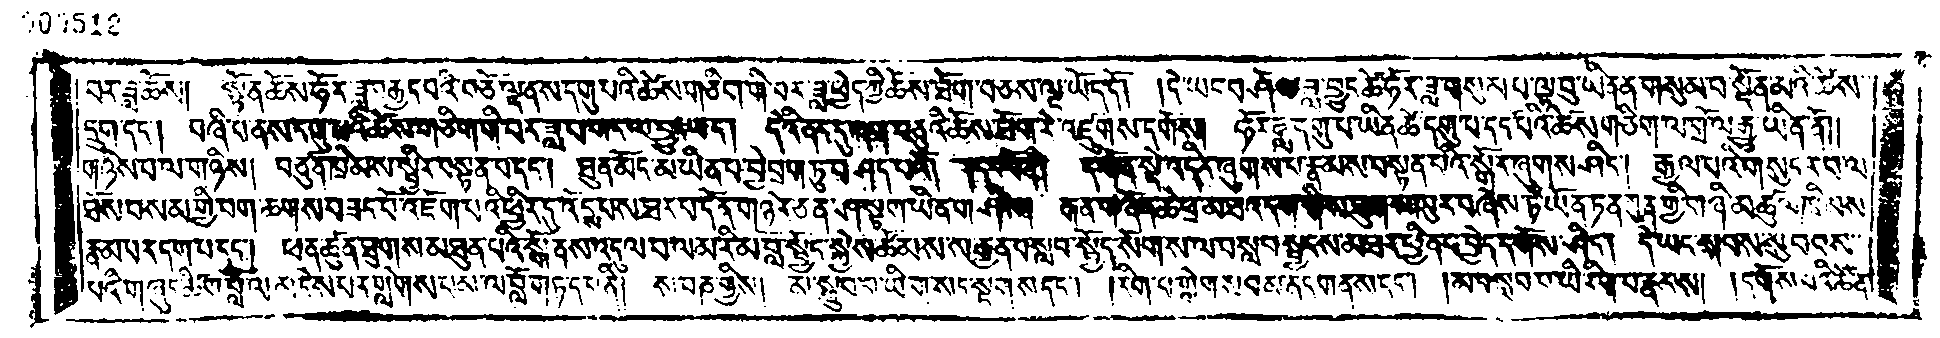བར་ཟླ་ཆོས། སྟོན་ཆོས་ཧོར་ཟླ་བརྒྱད་པའི་བཅོ་ལྔ་ནས་དགུ་པའི་ཚེས་གཅིག་གི་བར་ཟླ་ཕྱེད་ཀྱི་ཆོས་ཐོག་བཅས་ལྔ་ཡོད་དོ། །དེ་ཡང་བཤོལ་ཟླ་བྱུང་ཚེ་ཧོར་ཟླ་གསུམ་པ་ལྟ་བུ་ཡིན་ན་གསུམ་པ་སྔོན་མའི་ཚེས་
དྲུག་དང་། བཞི་པ་ནས་དགུ་པའི་ཚེས་གཅིག་གི་བར་ཟླ་བ་གང་ལ་བྱུང་ཡང་། དེའི་ནང་དུ་ཞག་བཅུའི་ཆོས་ཐོག་རེ་འཛུགས་དགོས། ཧོར་ཟླ་དགུ་པ་ཡིན་ཚེ་དགུ་པ་དང་པོའི་ཚེས་གཅིག་ལ་གྲོལ་རྒྱུ་ཡིན་ནོ། །
གཉིས་པ་ལ་གཉིས། བཙུན་ཁྲིམས་སྤྱིར་བསྟན་པ་དང་། ཐུན་མོང་མ་ཡིན་པ་བྱེ་བྲག་ཏུ་བཤད་པའོ། །དང་པོ་ནི། དགོན་སྡེ་འདིར་ཞུགས་པ་རྣམས་བསྟན་པའི་སྒོར་ཞུགས་ཤིང་། རྒྱལ་བའི་གསུང་རབ་ལ་
ཐོས་བསམ་གྱི་བག་ཆགས་བཟང་པོ་འཇོག་པའི་ཕྱིར་དུ་འོངས་པས་ཐར་པ་དོན་གཉེར་ཅན་ཤ་སྟག་ཡིན་གཤིས། རྒན་གཞོན་ཆེ་ཕྲ་མཐའ་དག་གིས་ཐུགས་ཁུར་བཞེས་ཏེ་ཡོན་ཏན་ཀུན་གྱི་གཞི་མཚུལ་ཁྲིམས་
རྣམ་པར་དག་པ་དང་། ཕན་ཚུན་ཐུགས་མཐུན་པའི་སྒོ་ནས་འདུལ་བ་ལམ་རིམ་བློ་སྦྱོང་སྐྱེས་ཚོམས་ས་རྒྱན་བསླབ་སྤྱོད་སོགས་ལ་བསླབ་སྦྱངས་མཐར་ཕྱིན་པ་བྱེད་དགོས་ཤིང་། དེ་ཡང་སྐབས་སུ་བབས་
པའི་གཞུང་ཚིག་བློ་ལ་མ་ངེས་པར་གླེགས་པ་མ་ལ་བློ་གཏད་པ་ནི། ས་བཎ་གྱིས། མ་སྒྲུབ་པ་ཡི་གསང་སྔགས་དང་། །རིག་པ་གླེགས་བམ་ནང་གནས་དང་། །མ་བསླབ་པ་ཡི་རིག་པ་རྣམས། །དགོས་པའི་ཚེ་ན་